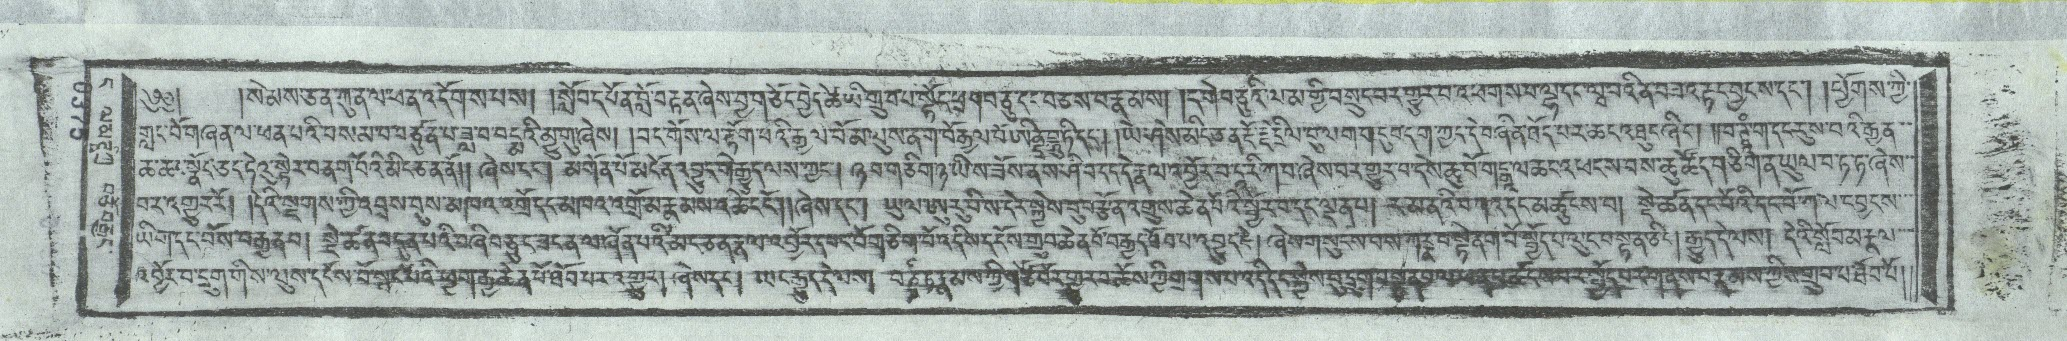༄༅། །སེམས་ཅན་ཀུན་ལ་ཕན་འདོགས་པས། །སློབ་དཔོན་བློ་བརྟན་ཞེས་བྱ་གཅོང་བྱེད་ཚེ་ཡི་གྲུབ་པ་སྟོང་ཕྲག་བཅུ་དང་བཅས་བ་རྣམས། །དགེ་བཅུའི་ལམ་གྱི་བསྲུང་བར་གྱུར་བ་འཕགས་པ་ལྷ་དང་ལ?་བའི་ན་བཟའ་རྟ་དབྱངས་དང་། །ཕྱོགས་ཀྱི་
གླང་བོ་གཞན་ལ་ཕན་པའི་བསམ་པ་བཙུན་པ་ཟླ་བ་པདམའི་མྱུ་གུ་ཞེས། །བང་གོས་ལ་རྟོག་པའི་རྒྱལ་བོ་མ་ལུས་ནག་བོ་རྒྱལ་པོ་ཨིནྡྲ་བྷུ་ཏི་དང་། །ཡེ་ཤེས་མིང་ཅན་རྡོ་རྗེ་དྲིལ་བུ་ལག་གདུབ་དག་ཀྱང་དེ་བཞིན་ཐོད་པར་ཆང་འཐུང་ཞིང་། །ཁ་ཌྭཱཾ་ག་དང་རུས་བའི་རྒྱན་
ཆ་ཆང་སྣོད་ཅད་ཏེའུ་སྟེར་བ་ནག་བོའི་མིང་ཅན་ནོ།། ཞེས་དང་། མགོན་པོ་མངོན་འབྱུང་གི་རྒྱུད་ལས་ཀྱང་། ཉབ་གཅིག་ཉ་ཡིས་ཟོས་ནས་ཤི་བ་དང་དེ་རྣལ་འབྱོར་བ་དཱ་རི་ཀ་བ་ཞེས་བར་གྱུར་བ་དེས་ཆུ་བོ་གངྒཱ་ལ་ཆང་འཕངས་བས་ཆུ་ཚོད་གཅིག་ན་ཡུལ་བ་ཏ་ཏ་ཞེས་
བར་འགྱུར་རོ། །དེའི་སྔགས་ཀྱི་འབྲས་བུས་མཁའ་འགྲོ་དང་མཁའ་འགྲོ་མ་རྣམས་འཆིང་ངོ། །ཞེས་དང་། ཡུལ་ཨུ་རུ་བི་ས་དེར་སྐྱེས་བུ་བརྩོན་འགྲུས་ཆེན་བོའི་སྦྱོར་བ་དང་ལྡན་པ། ར་མ་ནའི་བཀའ་དང་མཚུངས་བ། སྡེ་ཚན་དང་བོའི་དང་བོ་ཀ་ལ་དབྱངས་
ཡིག་དང་བོས་བརྒྱན་བ། སྡེ་ཚན་བདུན་པའི་བཞི་བཅུང་ཟང་ན་ལ་ཞོན་པའི་མང་ཅན་རྣལ་འབྱོར་དབང་བོ་གཅིག་བོ་འདིས་དངོས་གྲུབ་ཆེན་བོ་བརྒྱད་ཐོབ་པ་འབྱུང་ཇེ། ཞེས་གསུངས་བས་ཀརྣ་བ་སྟེ་ནག་བོ་སྦྱོད་པ་ལུང་བསྟན་ཅིང་། རྒྱུད་དེ་ལས། དེའི་སློབ་མ་རྣལ་
འབྱོར་བ་དྲུག་གིས་ལུས་དངོས་བོ་སྤང་བོའི་ཕྱག་རྒྱ་ཆེན་པོ་ཐོབ་པར་འགྱུར། ཞེས་དང་། ཡང་རྒྱུད་དེ་ལས། པཎྜི་ཏ་རྣམས་ཀྱི་གཙོ་བོར་གྱུར་བ་ཆོས་ཀྱི་གྲགས་པ་འདི་དང་སྐྱེས་བུ་དྲུག་བསྟན་བལ་ཕན་པ་ཚངས་བར་སྦྱོད་པར་གནས་བ་རྣམས་ཀྱིས་གྲུབ་པ་ཐོབ་བོ།།